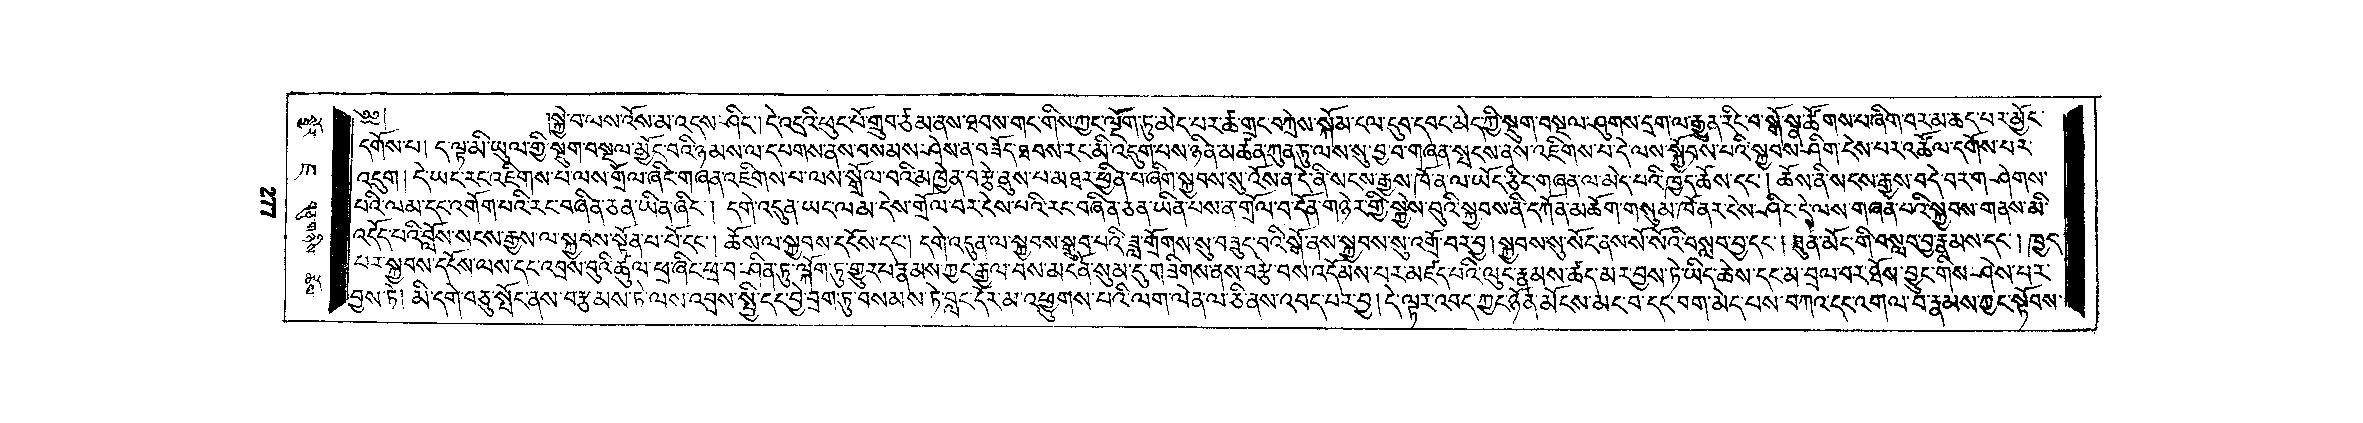༄༅། །སྐྱེ་བ་ལས་འོས་མ་འདས་ཤིང་། དེ་འདྲའི་ཕུང་པོ་གྲུབ་ཙམ་ནས་ཐབས་གང་གིས་ཀྱང་ལྡོག་ཏུ་མེད་པར་ཚ་གྲང་བཀྲེས་སྐོམ་ངལ་དུབ་དབང་མེད་ཀྱི་སྡུག་བསྔལ་ཤུགས་དྲག་ལ་རྒྱུན་རིང་བ་སྒོ་སྣ་ཚོགས་པ་ཞིག་བར་མ་ཆད་པར་མྱོང་
དགོས་པ། ད་ལྟ་མི་ཡུལ་གྱི་སྡུག་བསྔལ་མྱོང་བའི་ཉམས་ལ་དཔགས་ནས་བསམས་ཤེས་ན་བཟོད་ཐབས་རང་མི་འདུག་པས་ཉིན་མཚན་ཀུན་ཏུ་ལས་སུ་བྱ་བ་གཞན་སྤངས་ནས་འཇིགས་པ་དེ་ལས་སྐྱོབས་པའི་སྐྱབས་ཤིག་ངེས་པར་འཚོལ་དགོས་པར་
འདུག །དེ་ཡང་རང་འཇིགས་པ་ལས་གྲོལ་ཞིང་གཞན་འཇིགས་པ་ལས་སྒྲོལ་བའི་མཁྱེན་བརྩེ་ནུས་པ་མཐར་ཕྱིན་པ་ཞིག་སྐྱབས་སུ་འོས་ན་དེ་ནི་སངས་རྒྱས་ཁོ་ན་ལ་ཡོད་ཅིང་གཞན་ལ་མེད་པའི་ཁྱད་ཆོས་དང་། ཆོས་ནི་སངས་རྒྱས་བདེ་བར་གཤེགས་
པའི་ལམ་དང་འགོག་པའི་རང་བཞིན་ཅན་ཡིན་ཞིང་། དགེ་འདུན་ཡང་ལམ་དེས་གྲོལ་བར་ངེས་པའི་རང་བཞིན་ཅན་ཡིན་པས་ན་གྲོལ་བ་དོན་གཉེར་གྱི་སྐྱེས་བུའི་སྐྱབས་ནི་དཀོན་མཆོག་གསུམ་ཁོ་ནར་ངེས་ཤིང་དེ་ལས་གཞན་པའི་སྐྱབས་གནས་མི་
འདོད་པའི་བློས་སངས་རྒྱས་ལ་སྐྱབས་སྟོན་པ་པོ་དང་། ཆོས་ལ་སྐྱབས་དངོས་དང་། དགེ་འདུན་ལ་སྐྱབས་སྒྲུབ་པའི་ཟླ་གྲོགས་སུ་བཟུང་བའི་སྒོ་ནས་སྐྱབས་སུ་འགྲོ་བར་བྱ། །སྐྱབས་སུ་སོང་ནས་སོ་སོའི་བསླབ་བྱ་དང་། ཐུན་མོང་གི་བསླབ་བྱ་རྣམས་དང་། ཁྱད་
པར་སྐྱབས་དངོས་ལས་དང་འབྲས་བུའི་ཚུལ་ཕྲ་ཞིང་ཕྲ་བ་ཤིན་ཏུ་ལྐོག་ཏུ་གྱུར་པ་རྣམས་ཀྱང་རྒྱལ་བས་མངོན་སུམ་དུ་གཟིགས་ནས་བརྩེ་བས་འདོམས་པར་མཛད་པའི་ལུང་རྣམས་ཚད་མར་བྱས་ཏེ་ཡིད་ཆེས་དང་མ་བྲལ་བར་ཐོས་བྱུང་གིས་ཤེས་པར་
བྱས་ཏེ། མི་དགེ་བཅུ་སྤོང་ནས་བརྩམས་ཏེ་ལས་འབྲས་སྤྱི་དང་བྱེ་བྲག་ཏུ་བསམས་ཏེ་བླང་དོར་མ་འཕྱུགས་པའི་ལག་ལེན་ལ་ཅི་ནས་འབད་པར་བྱ། དེ་ལྟར་འབད་ཀྱང་ཉོན་མོངས་མང་བ་དང་བག་མེད་པས་བཀའ་འགལ་བ་རྣམས་ཀྱང་སྟོབས་